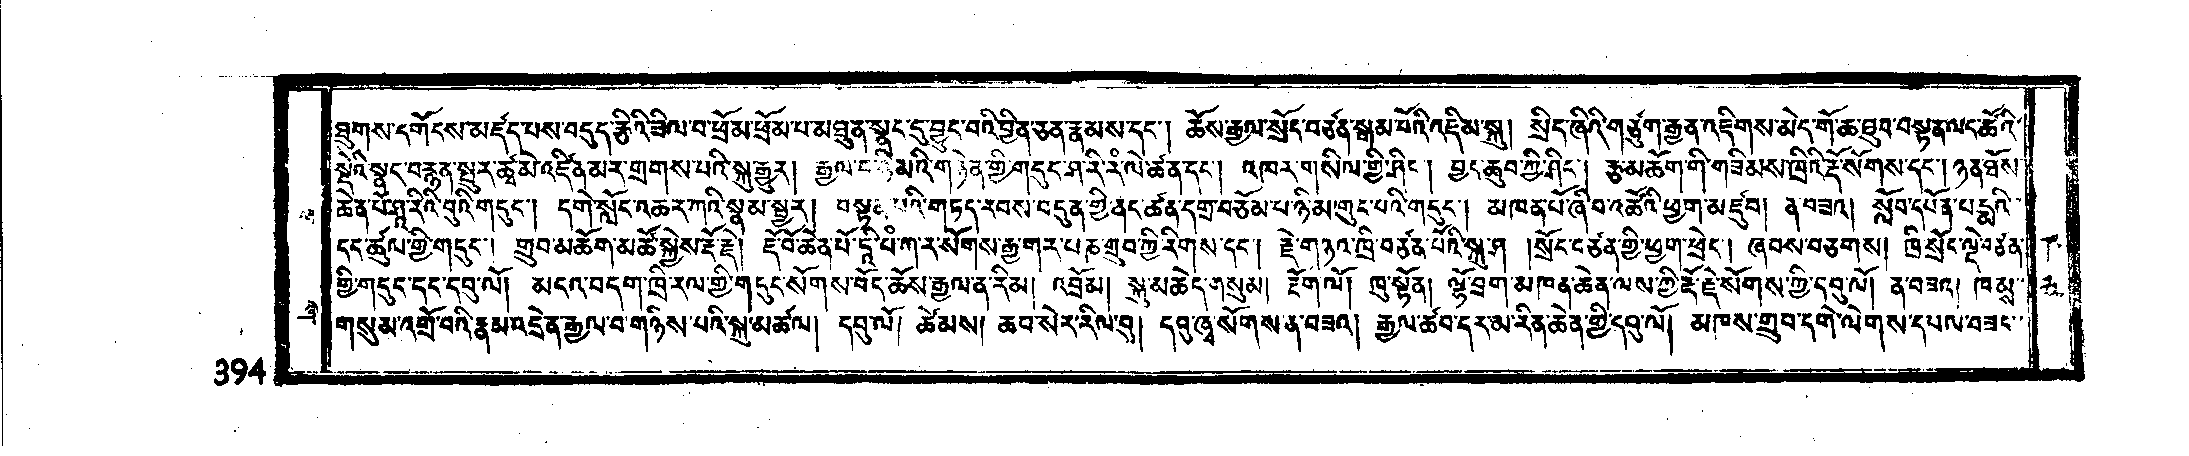ཐུགས་དགོངས་མཛད་པས་བདུད་རྩིའི་ཟིལ་བ་ཕྲོམ་ཕྲོམ་པ་མཐུན་སྣང་དུ་བྱུང་བའི་བྱིན་ཅན་རྣམས་དང་། ཆོས་རྒྱལ་སྲོང་བཙན་སྒམ་པོའི་འཇིམ་སྐུ། སྲིད་ཞིའི་གཙུག་རྒྱན་འཇིགས་མེད་གོ་ཆ་ཐུབ་བསྟན་ལང་ཚོའི་
སྡེའི་སྣང་བརྙན་སྤུར་ཚྭ་མེ་འཛིན་མར་གྲགས་པའི་སྐུ་རྒྱུར། རྒྱལ་བ་ཉི་མའི་གཉེན་གྱི་གདུང་ཤ་རི་རཾ་ལེ་ཚན་དང་། འཁར་གསིལ་གྱི་ཤིང་། བྱང་ཆུབ་ཀྱི་ཤིང་། རྩ་མཆོག་གི་གཟིམས་ཁྲིའི་རྡོ་སོགས་དང་། ཉན་ཐོས་
ཆེན་པོ་ཤཱ་རིའི་བུའི་གདུང་། དགེ་སློང་འཆར་ཀའི་སྣམ་སྦྱར། བསྟན་པའི་གཏད་རབས་བདུན་གྱི་ནང་ཚན་དགྲ་བཅོམ་པ་ཉི་མ་གུང་པའི་གདུང་། མཁན་པོ་ཞི་བ་འཚོའི་ཕྱག་མཛུབ། ན་བཟའ། སློབ་དཔོན་པདམའི་
དང་ཚུལ་གྱི་གདུང་། གྲུབ་མཆོག་མཚོ་སྐྱེས་རྡོ་རྗེ། ཇོ་བོ་ཆེན་པོ་དཱི་པཾ་ཀ་ར་སོགས་རྒྱ་གར་པཎ་གྲུབ་ཀྱི་རིགས་དང་། རྗེ་གཉའ་ཁྲི་བཙན་པོའི་སྐུ་ཤ་།སྲོང་བཙན་གྱི་ཕྱག་ཕྲེང་། ཞབས་བཅགས། ཁྲི་སྲོང་ལྡེ་བཙན་
གྱི་གདུང་དང་དབུ་ལོ། མངའ་བདག་ཁྲི་རལ་གྱི་གདུང་སོགས་བོད་ཆོས་རྒྱལ་ན་རིམ། འབྲོམ། སྐུ་མཆེད་གསུམ། རྔོག་ལོ། ཁུ་སྟོན། ལྷོ་བྲག་མཁན་ཆེན་ལས་ཀྱི་རྡོ་རྗེ་སོགས་ཀྱི་དབུ་ལོ། ན་བཟའ། ཁམས་
གསུམ་འགྲོ་བའི་རྣམ་འདྲེན་རྒྱལ་བ་གཉིས་པའི་སྐུ་མཚལ། དབུ་ལོ། ཚེམས། ཆབ་སེར་རིལ་བུ། དབུ་ཞྭ་སོགས་ན་བཟའ། རྒྱལ་ཚབ་དར་མ་རིན་ཆེན་གྱི་དབུ་ལོ། མཁས་གྲུབ་དགེ་ལེགས་དཔལ་བཟང་